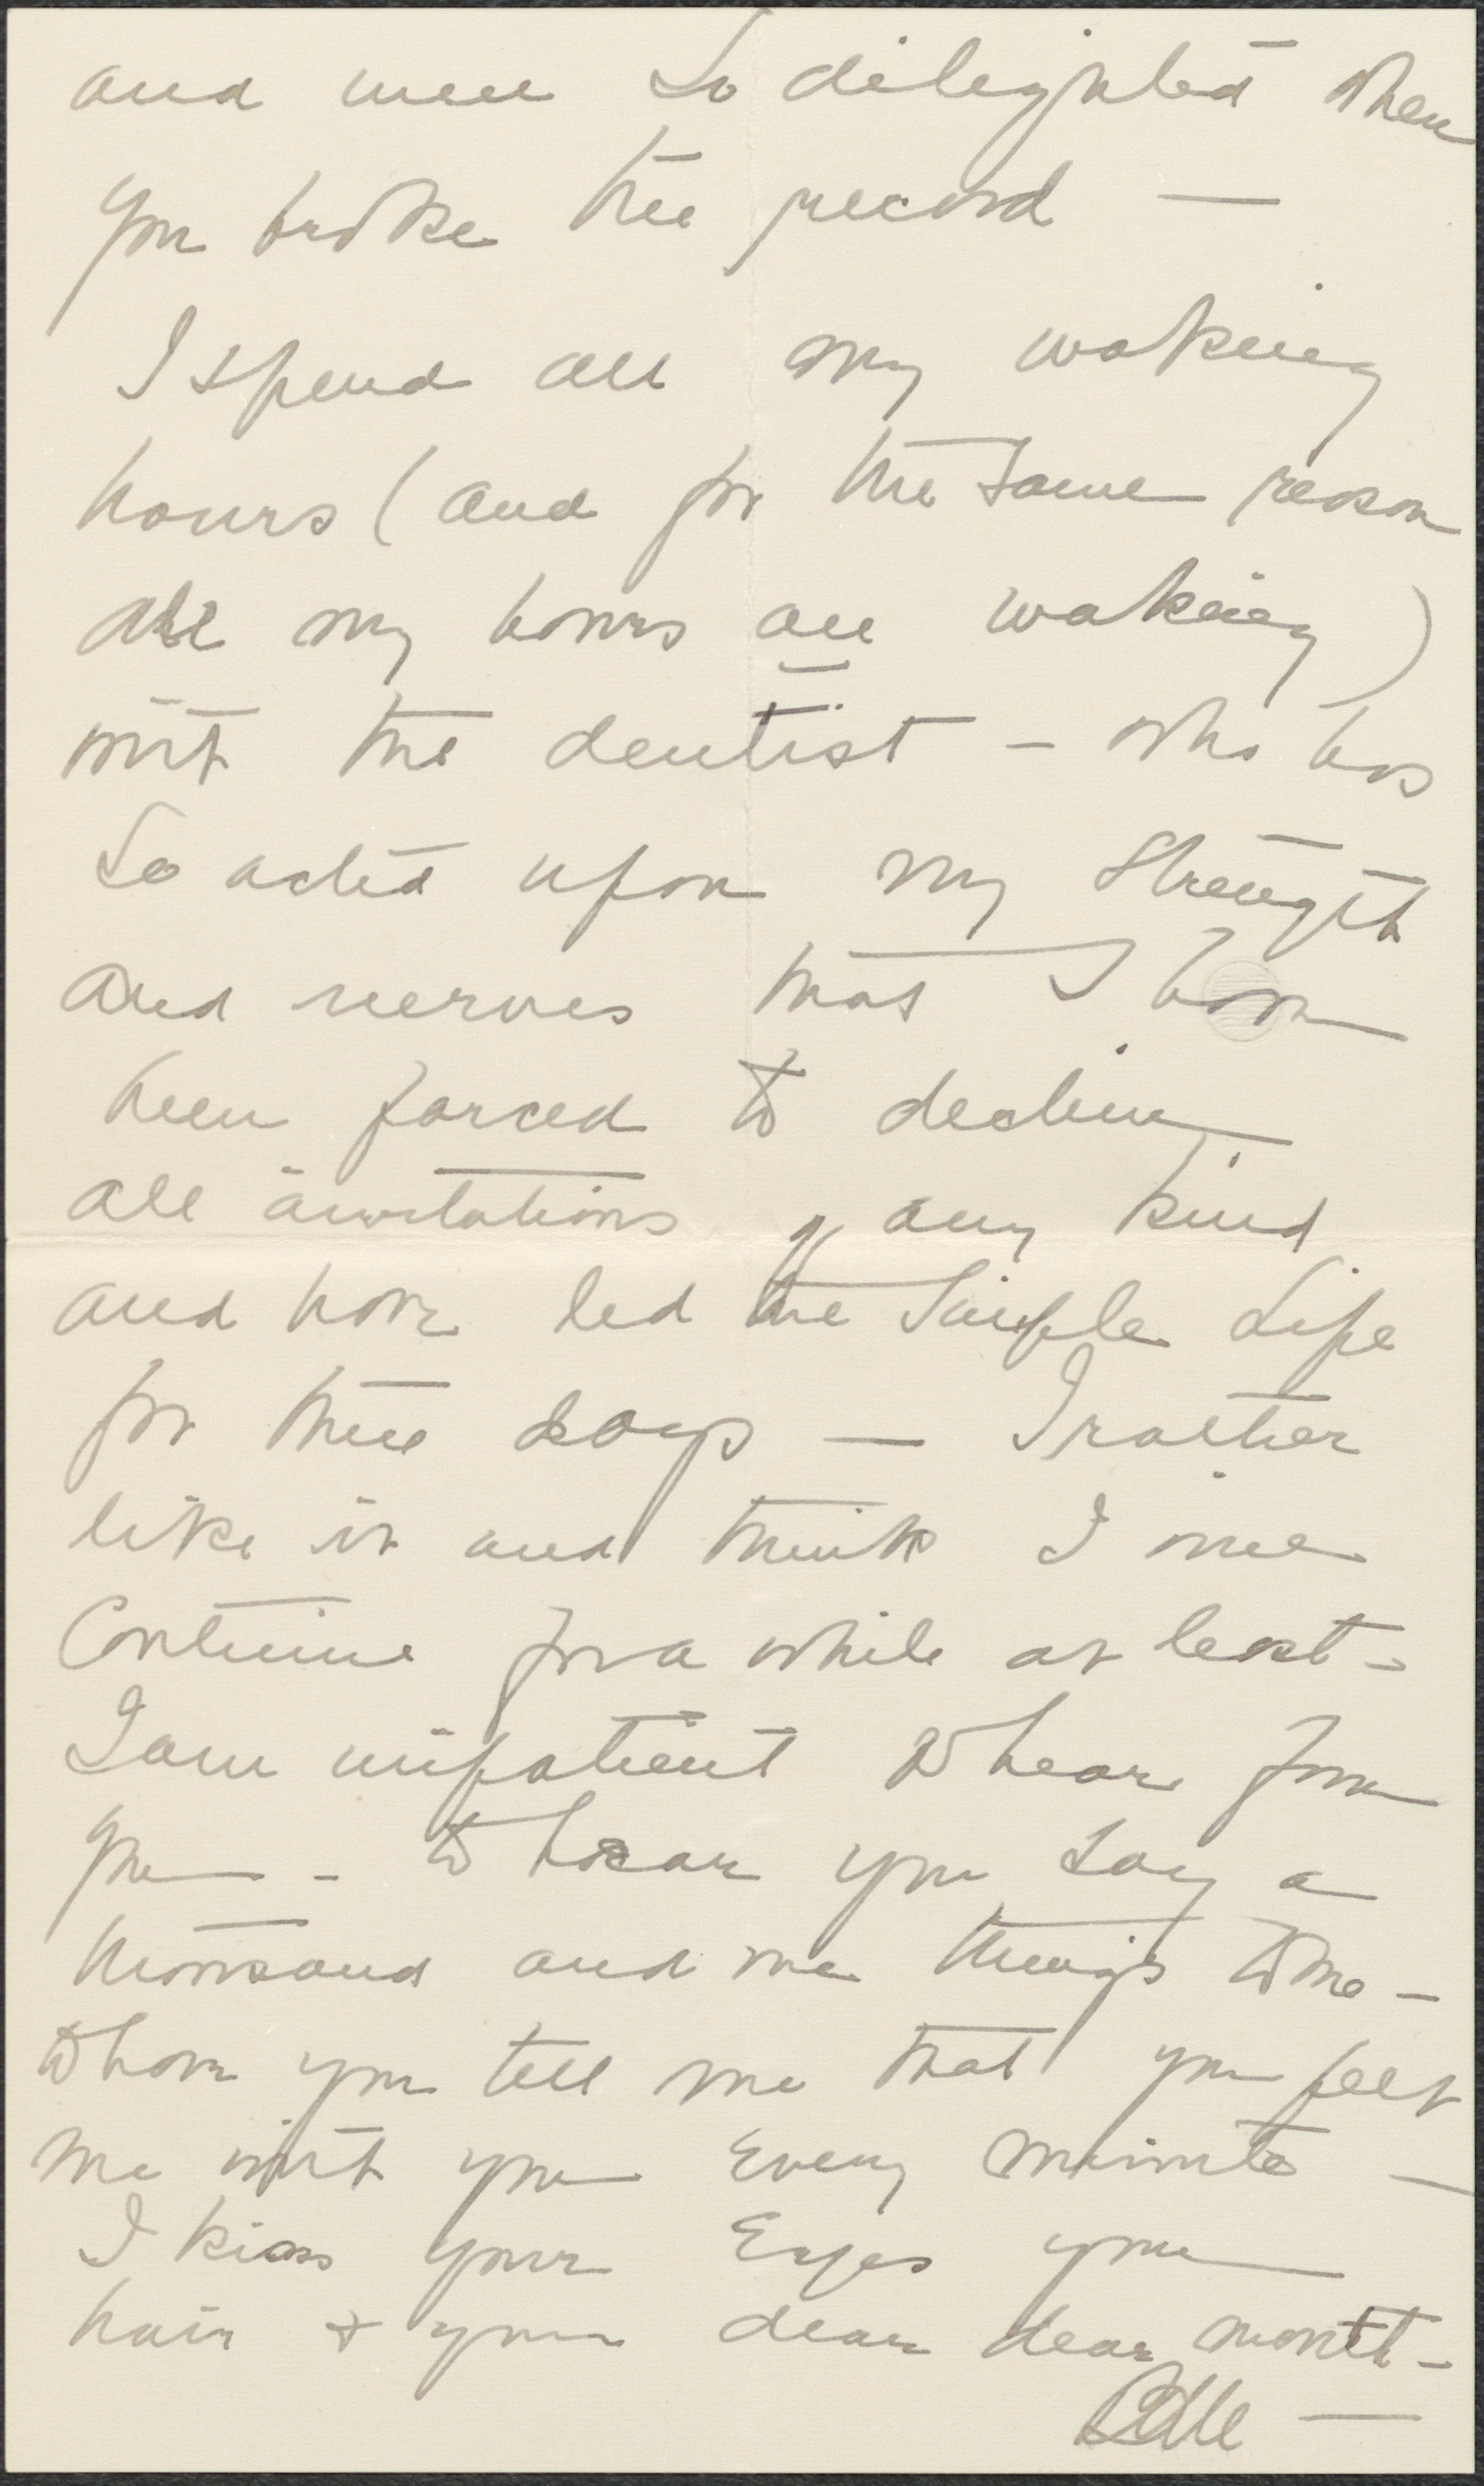and were so delighted when you broke the record –
I spend all my waking hours (and for the same reason all my hours are waking) with the dentist – who has so acted upon my strength and nerves that I have been forced to decline all invitations of any kind and have led the Simple Life for three days – I rather like it and think I will continue for a while at least – I am impatient to hear from you – to hear you say a thousand and one things to me – to have you tell me that you felt me with you every minute – I kiss your eyes your hair & your dear dear mouth –
Belle –